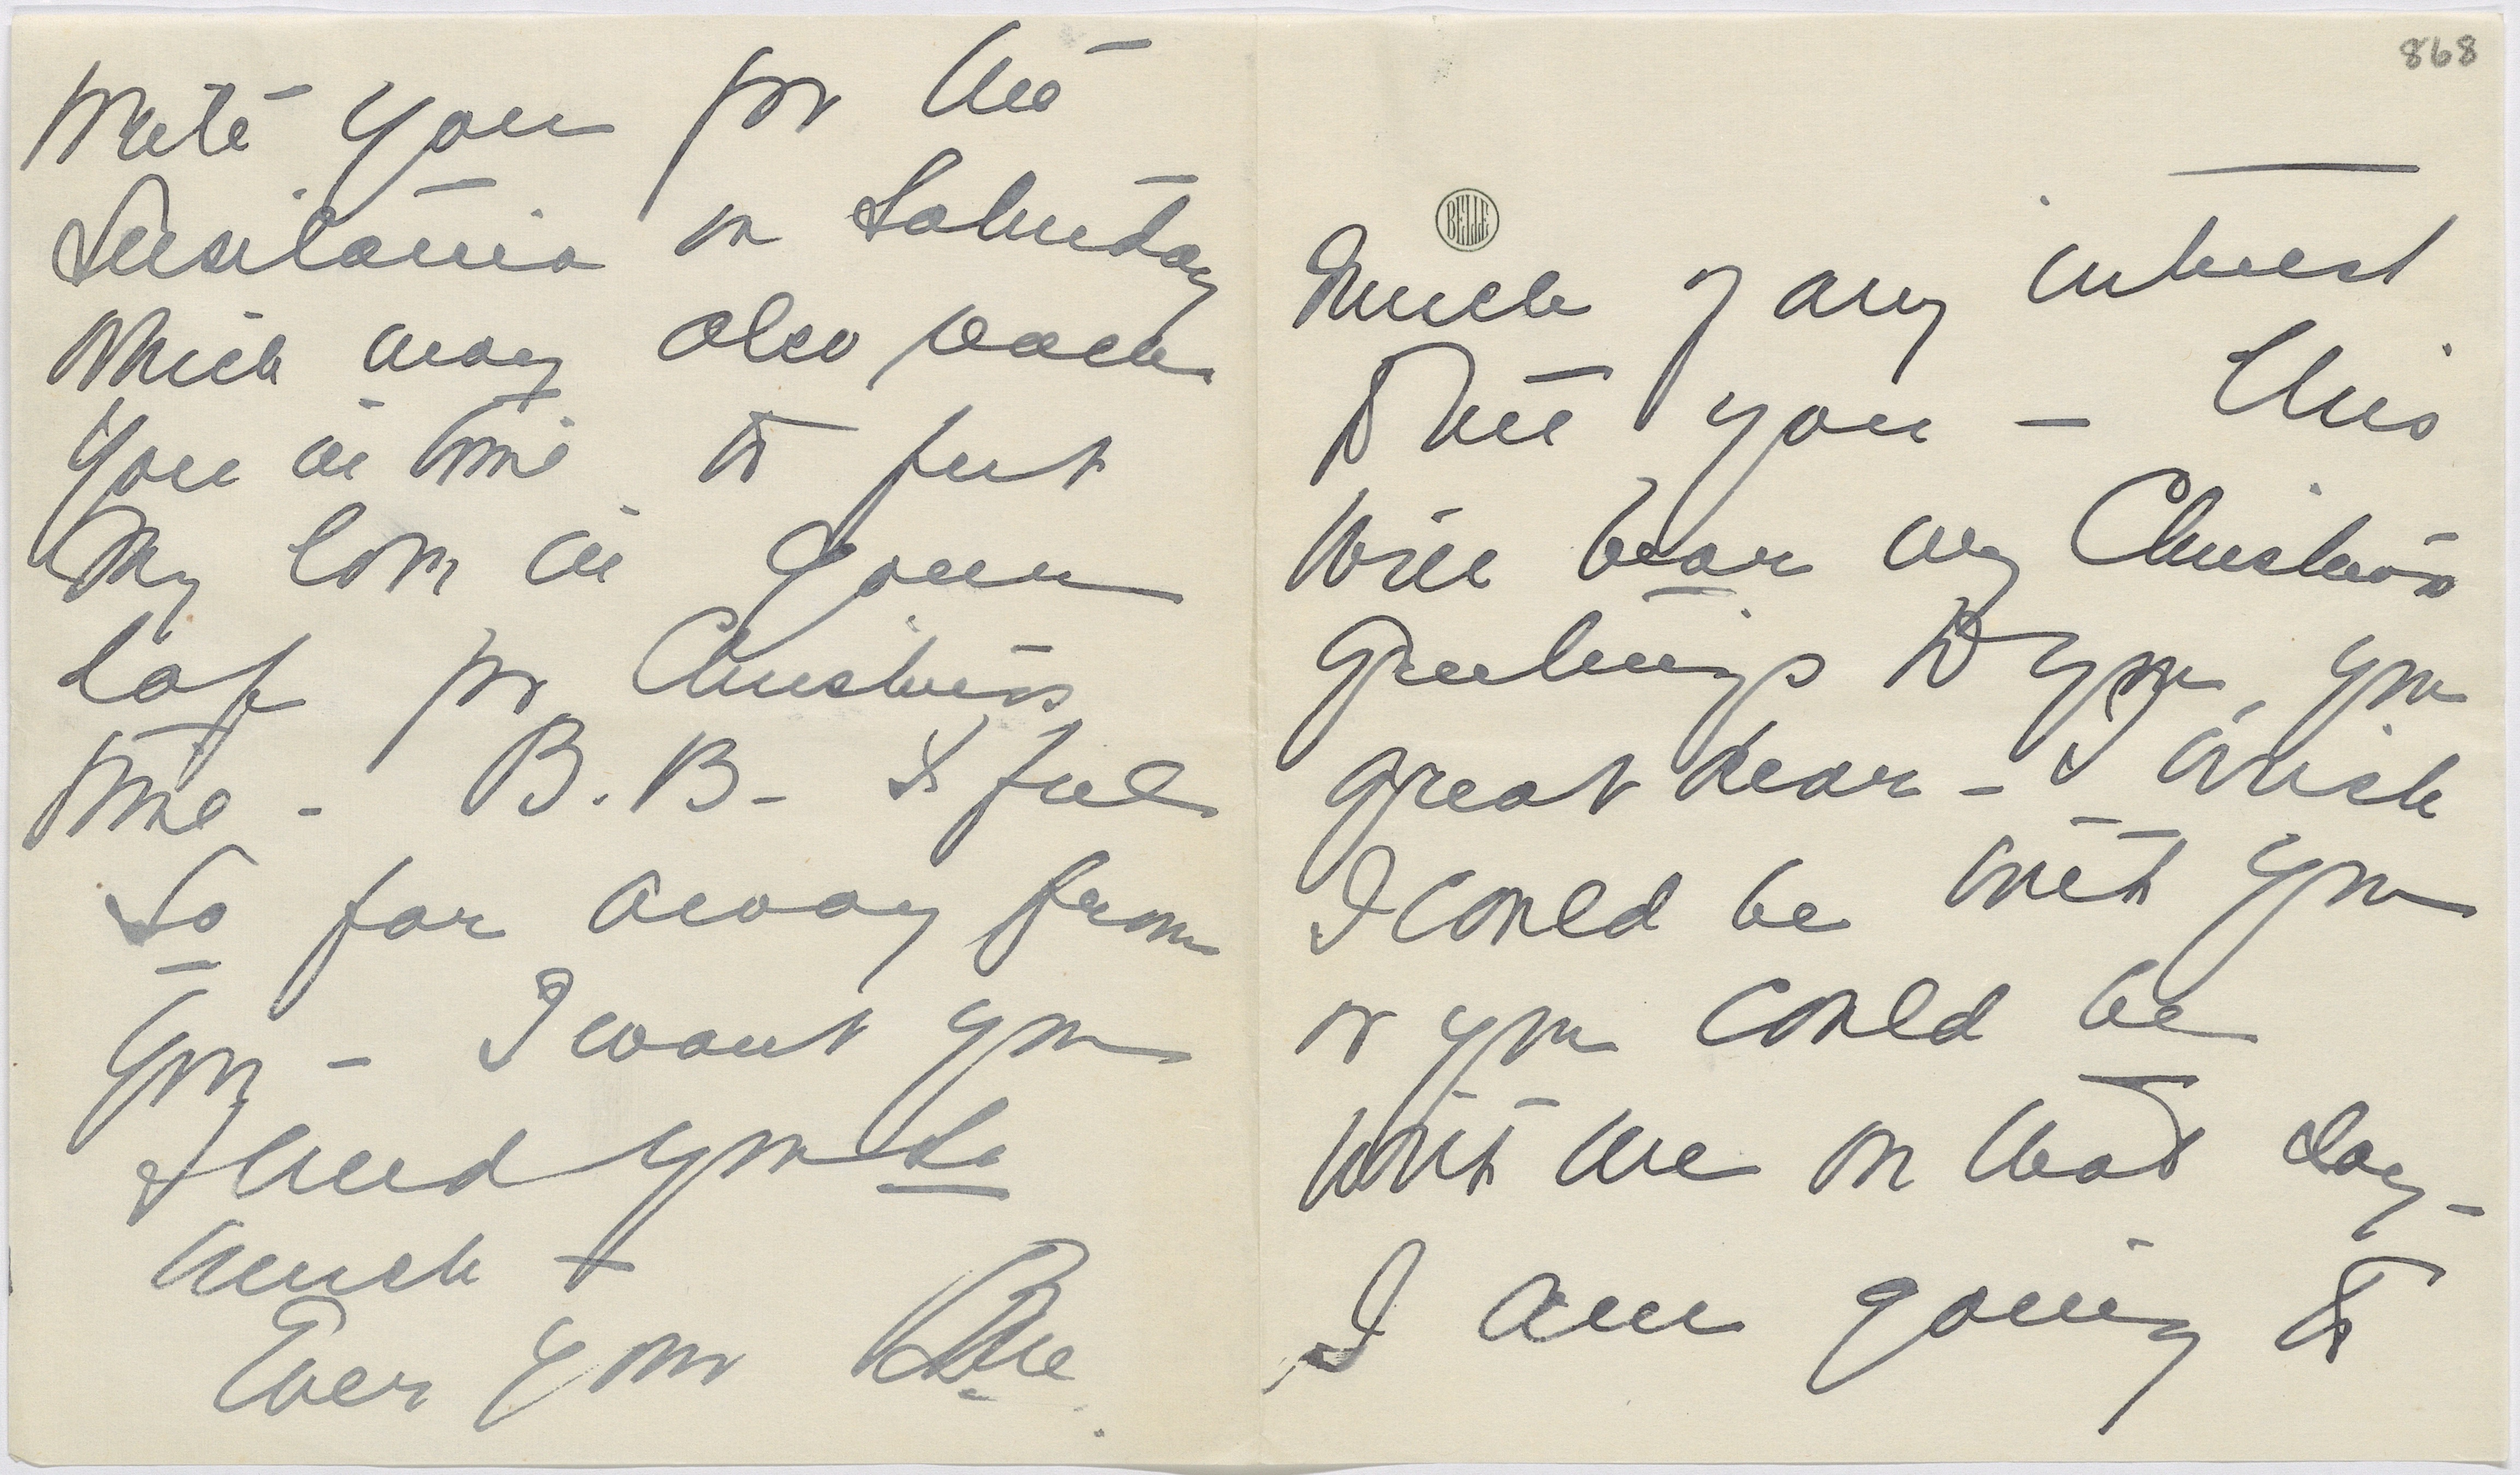Much of any interest to tell you – This will bear my Christmas greetings to you, you great dear – I wish I could be with you or you could be with me on that day – I am going to
write you for the Lusitania on Saturday which may also reach you in time to put my love in your lap for Christmas time – B. B – I feel so far away from you – I want you & need you so much –
Ever your Belle.